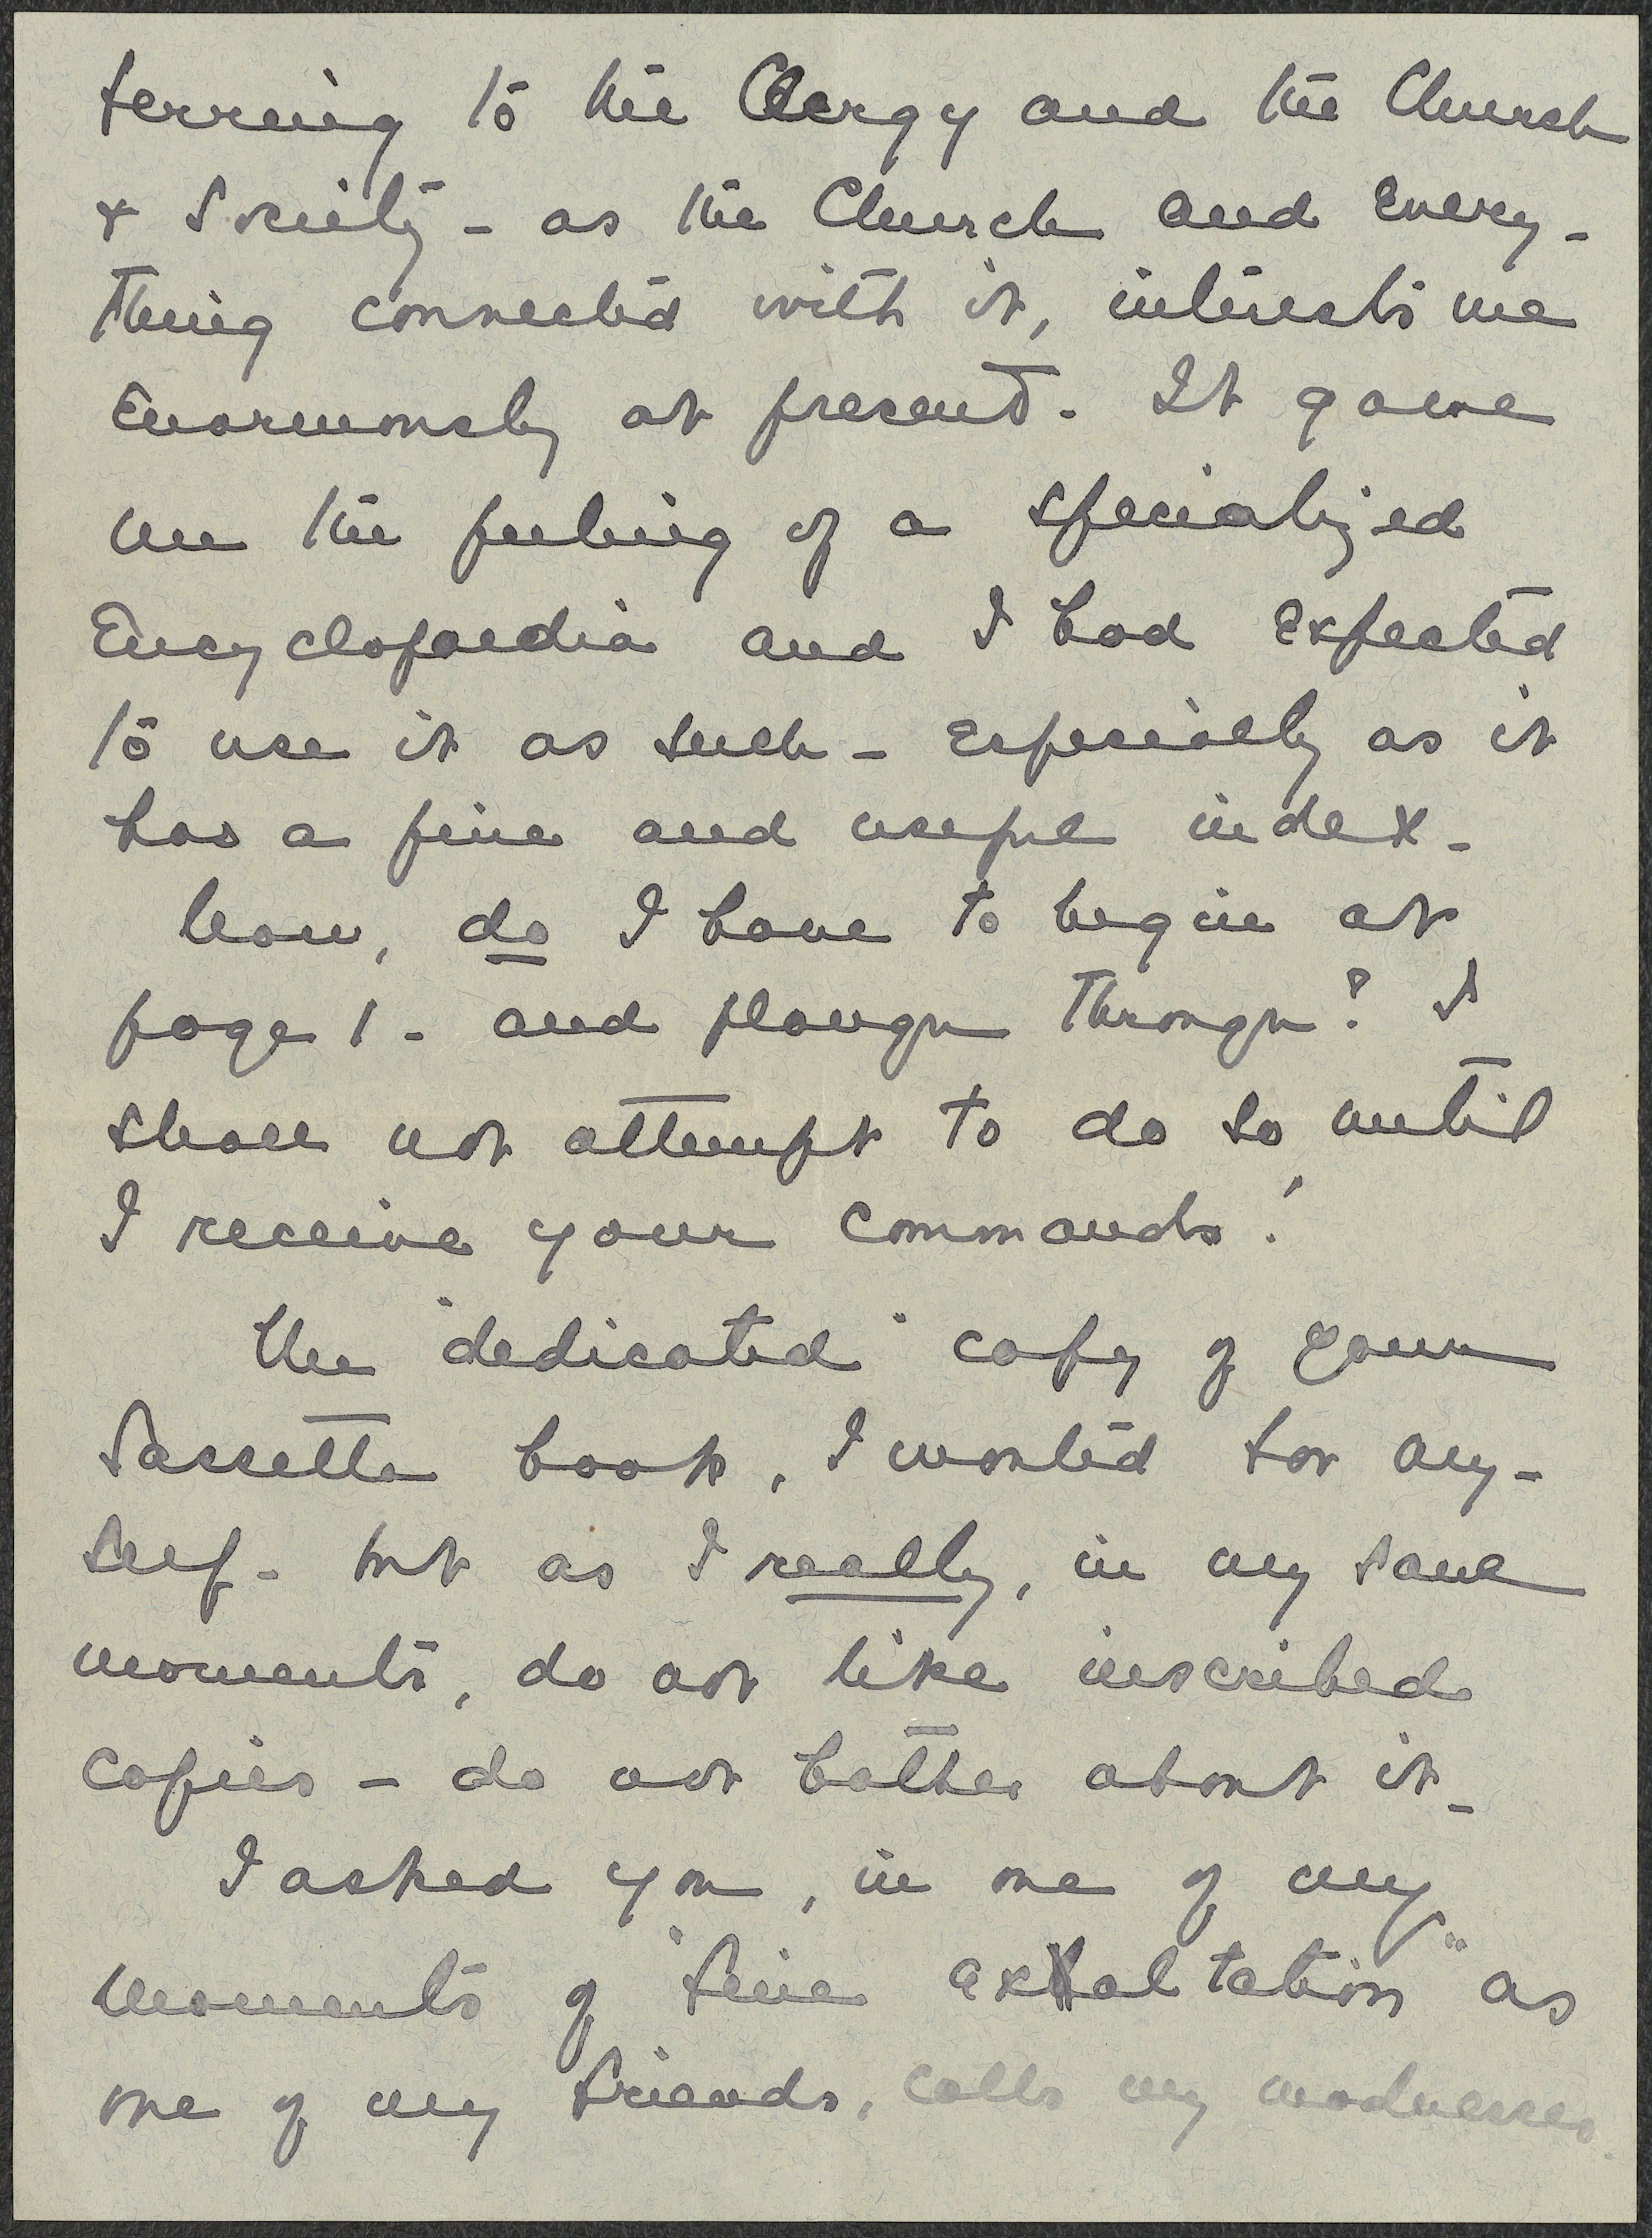to the Clergy and the Church & Sicily – as the Church and everything connected with it, interests me enormously at present – It gave me the feeling of a specialized encyclopaedia and I had expected to use it as such – especially as it has a fine and useful index –
Now, do I have to begin at page 1 – and plough through? I shall not attempt to do so until I receive your commands!
The “dedicated” copy of your Sassetta book, I wanted for myself – but as I really, in my sane moments, do not like inscribed copies – do not bother about it –
I asked you, in one of my moments of “fine exhaltation” as one of my friends, calls my madnesses